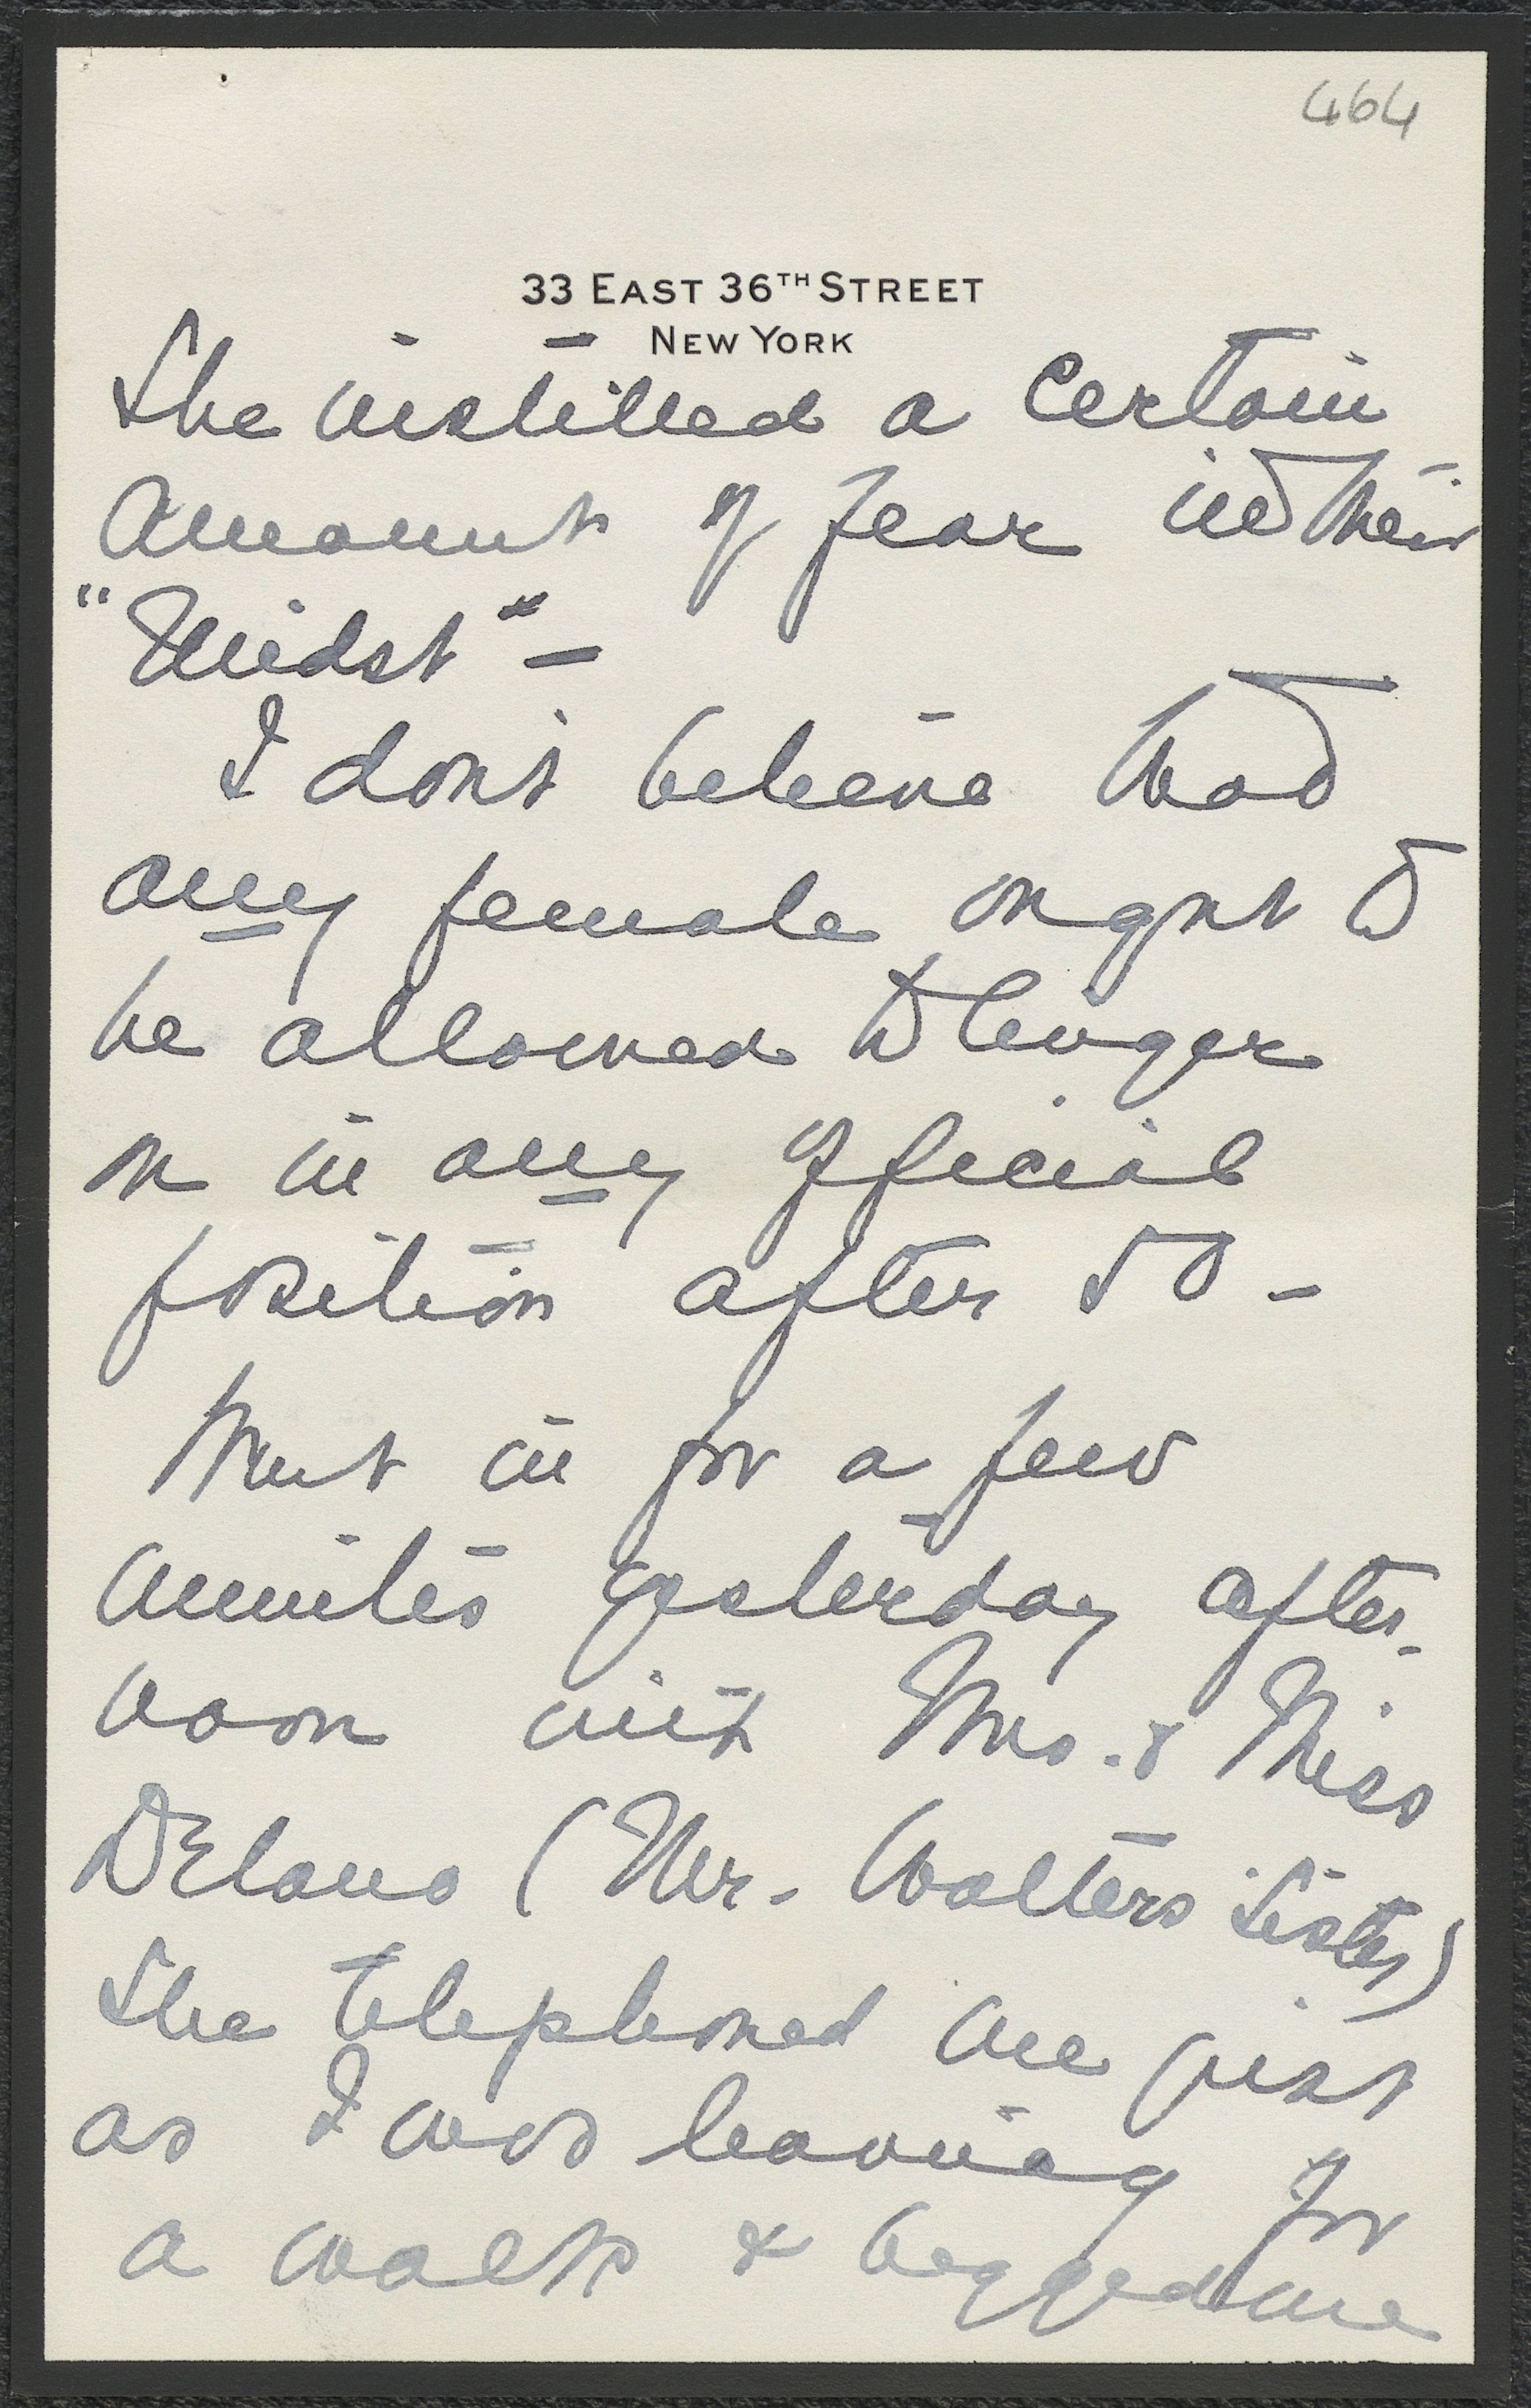she instilled a certain amount of fear in their “midst” –
I don’t believe that any female ought to be allowed to linger on in any official position after 50 –
Went in for a few minutes yesterday afternoon with Mrs. & Miss Delano (Mr. Walters Sister)
She telephoned me just as I was leaving for a walk & begged me